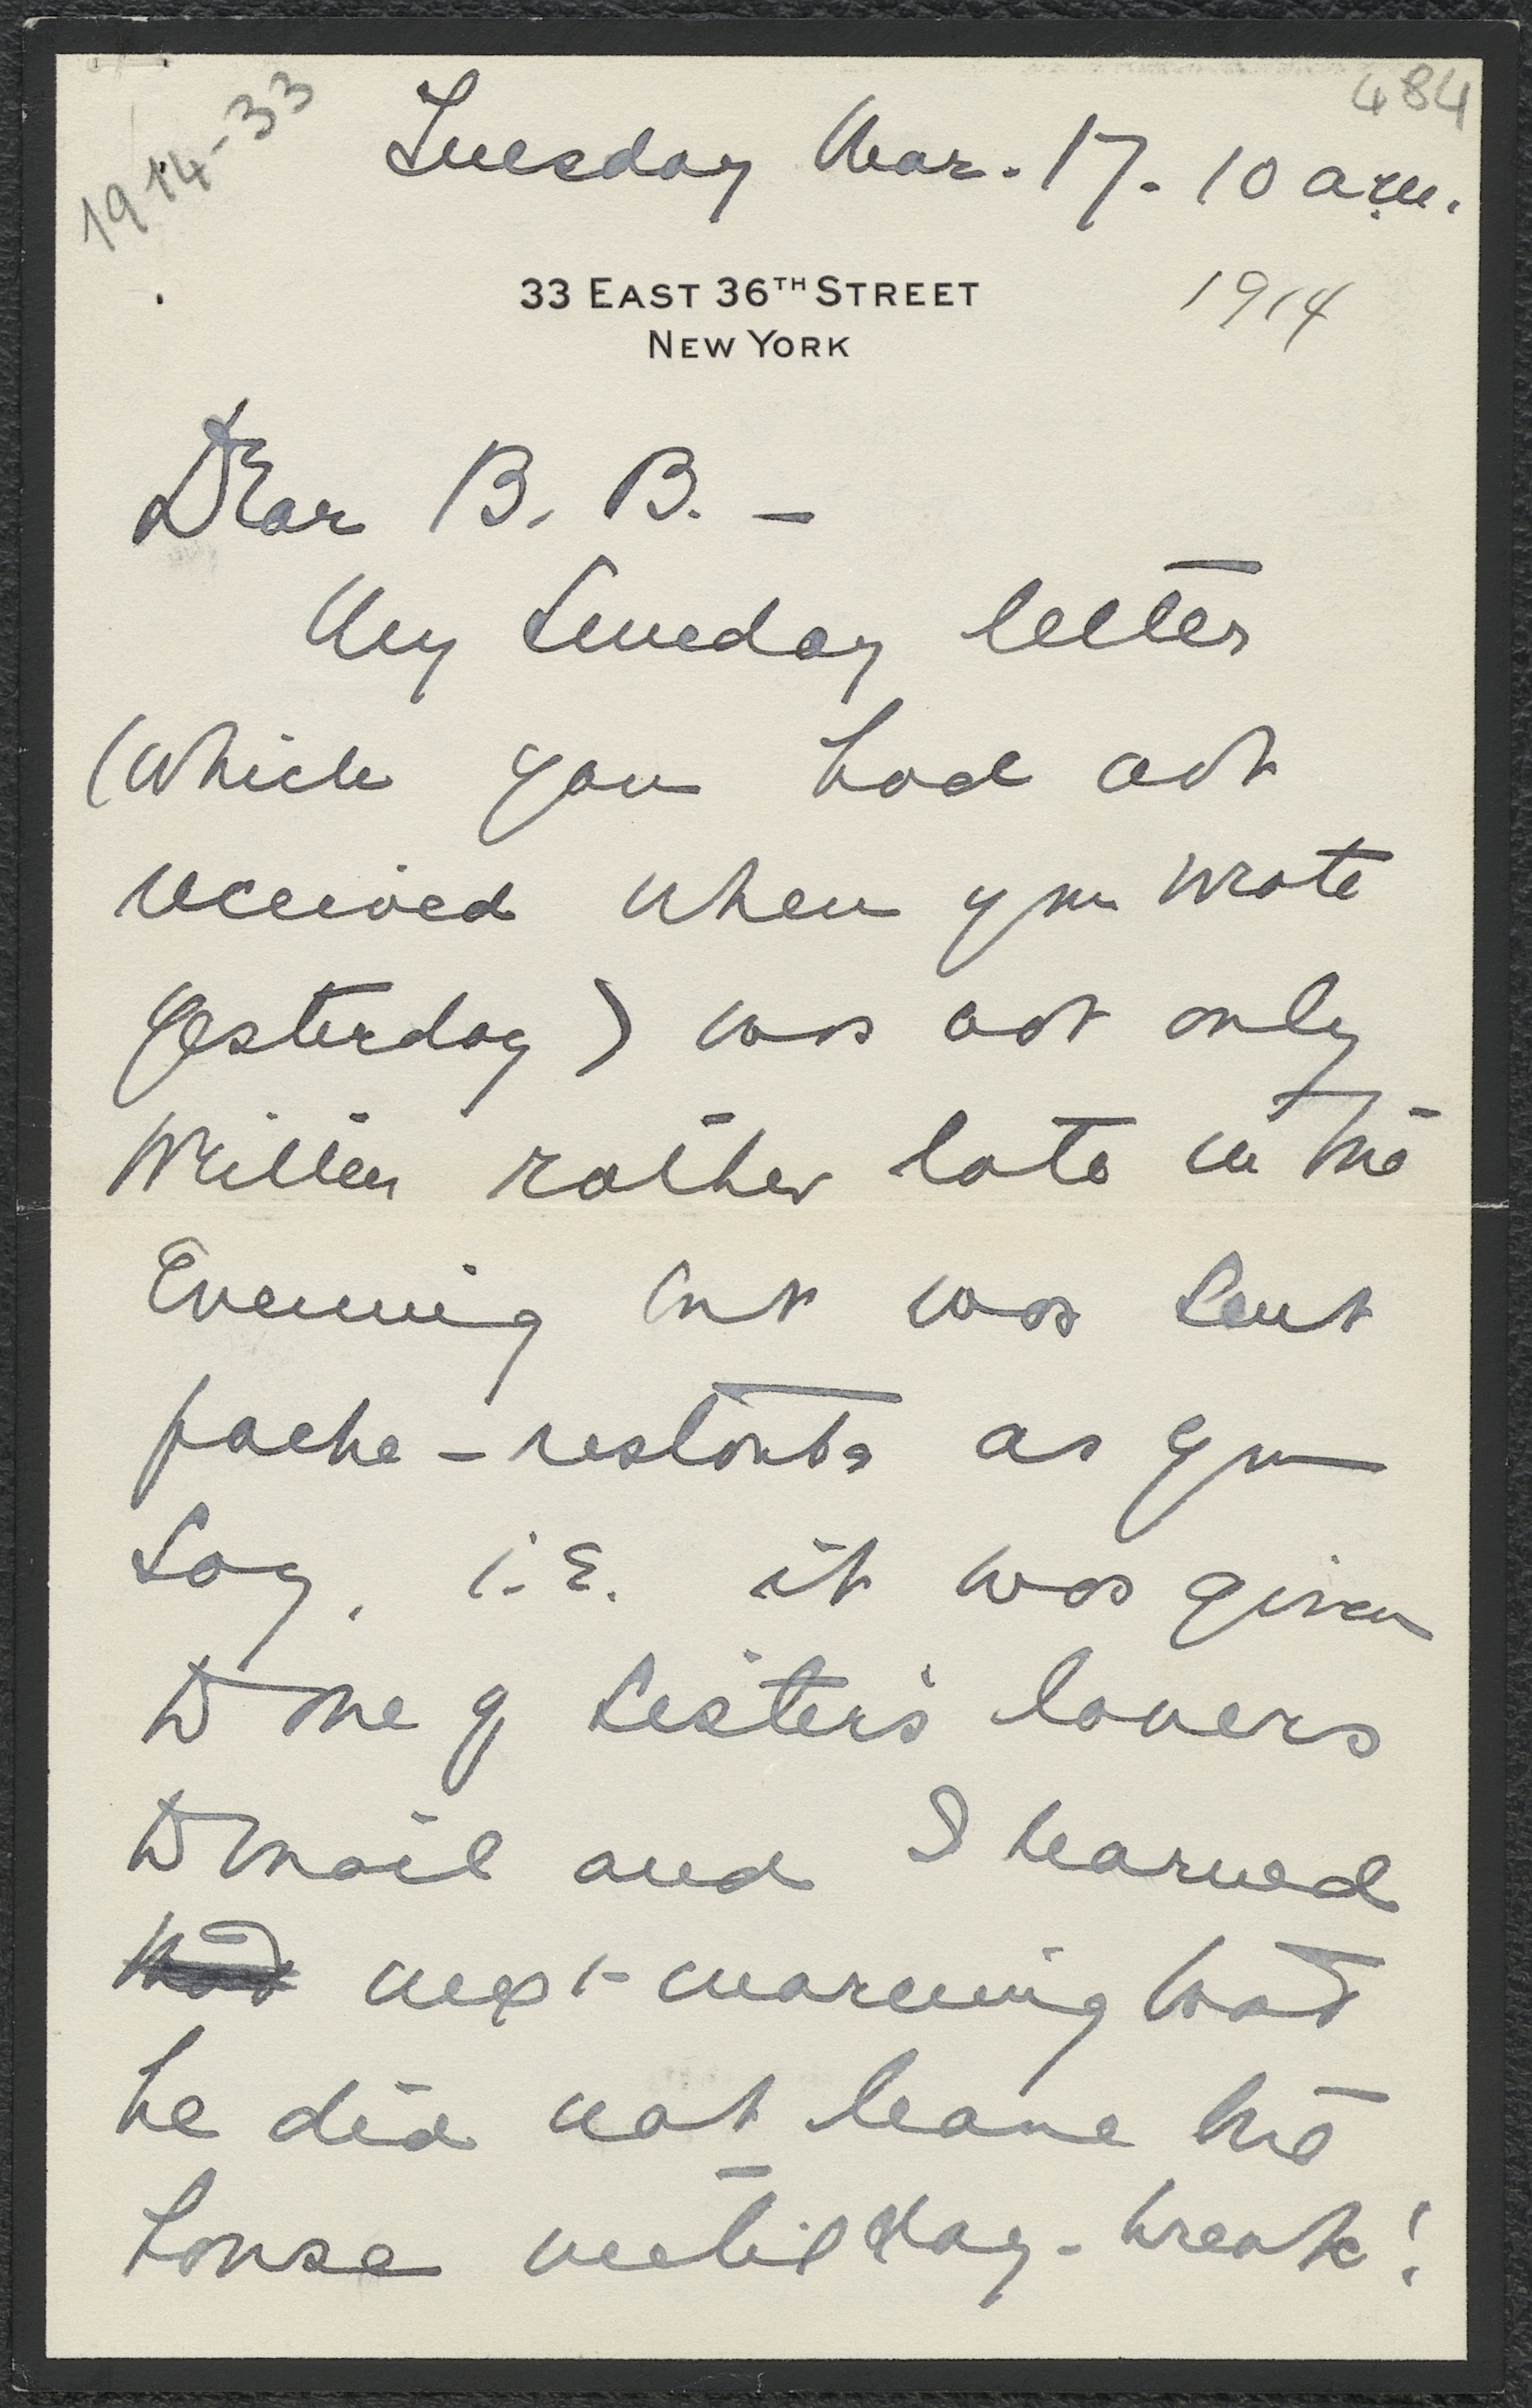Tuesday Mar. 17. 10 am.
Dear B.B. –
My Sunday letter (which you had not received when you wrote yesterday) was not only written rather late in the evening but was sent fache-restants as you say, i.e. it was given to one of sister’s lovers to mail and I learned that next morning that he did not leave the house until day-break!